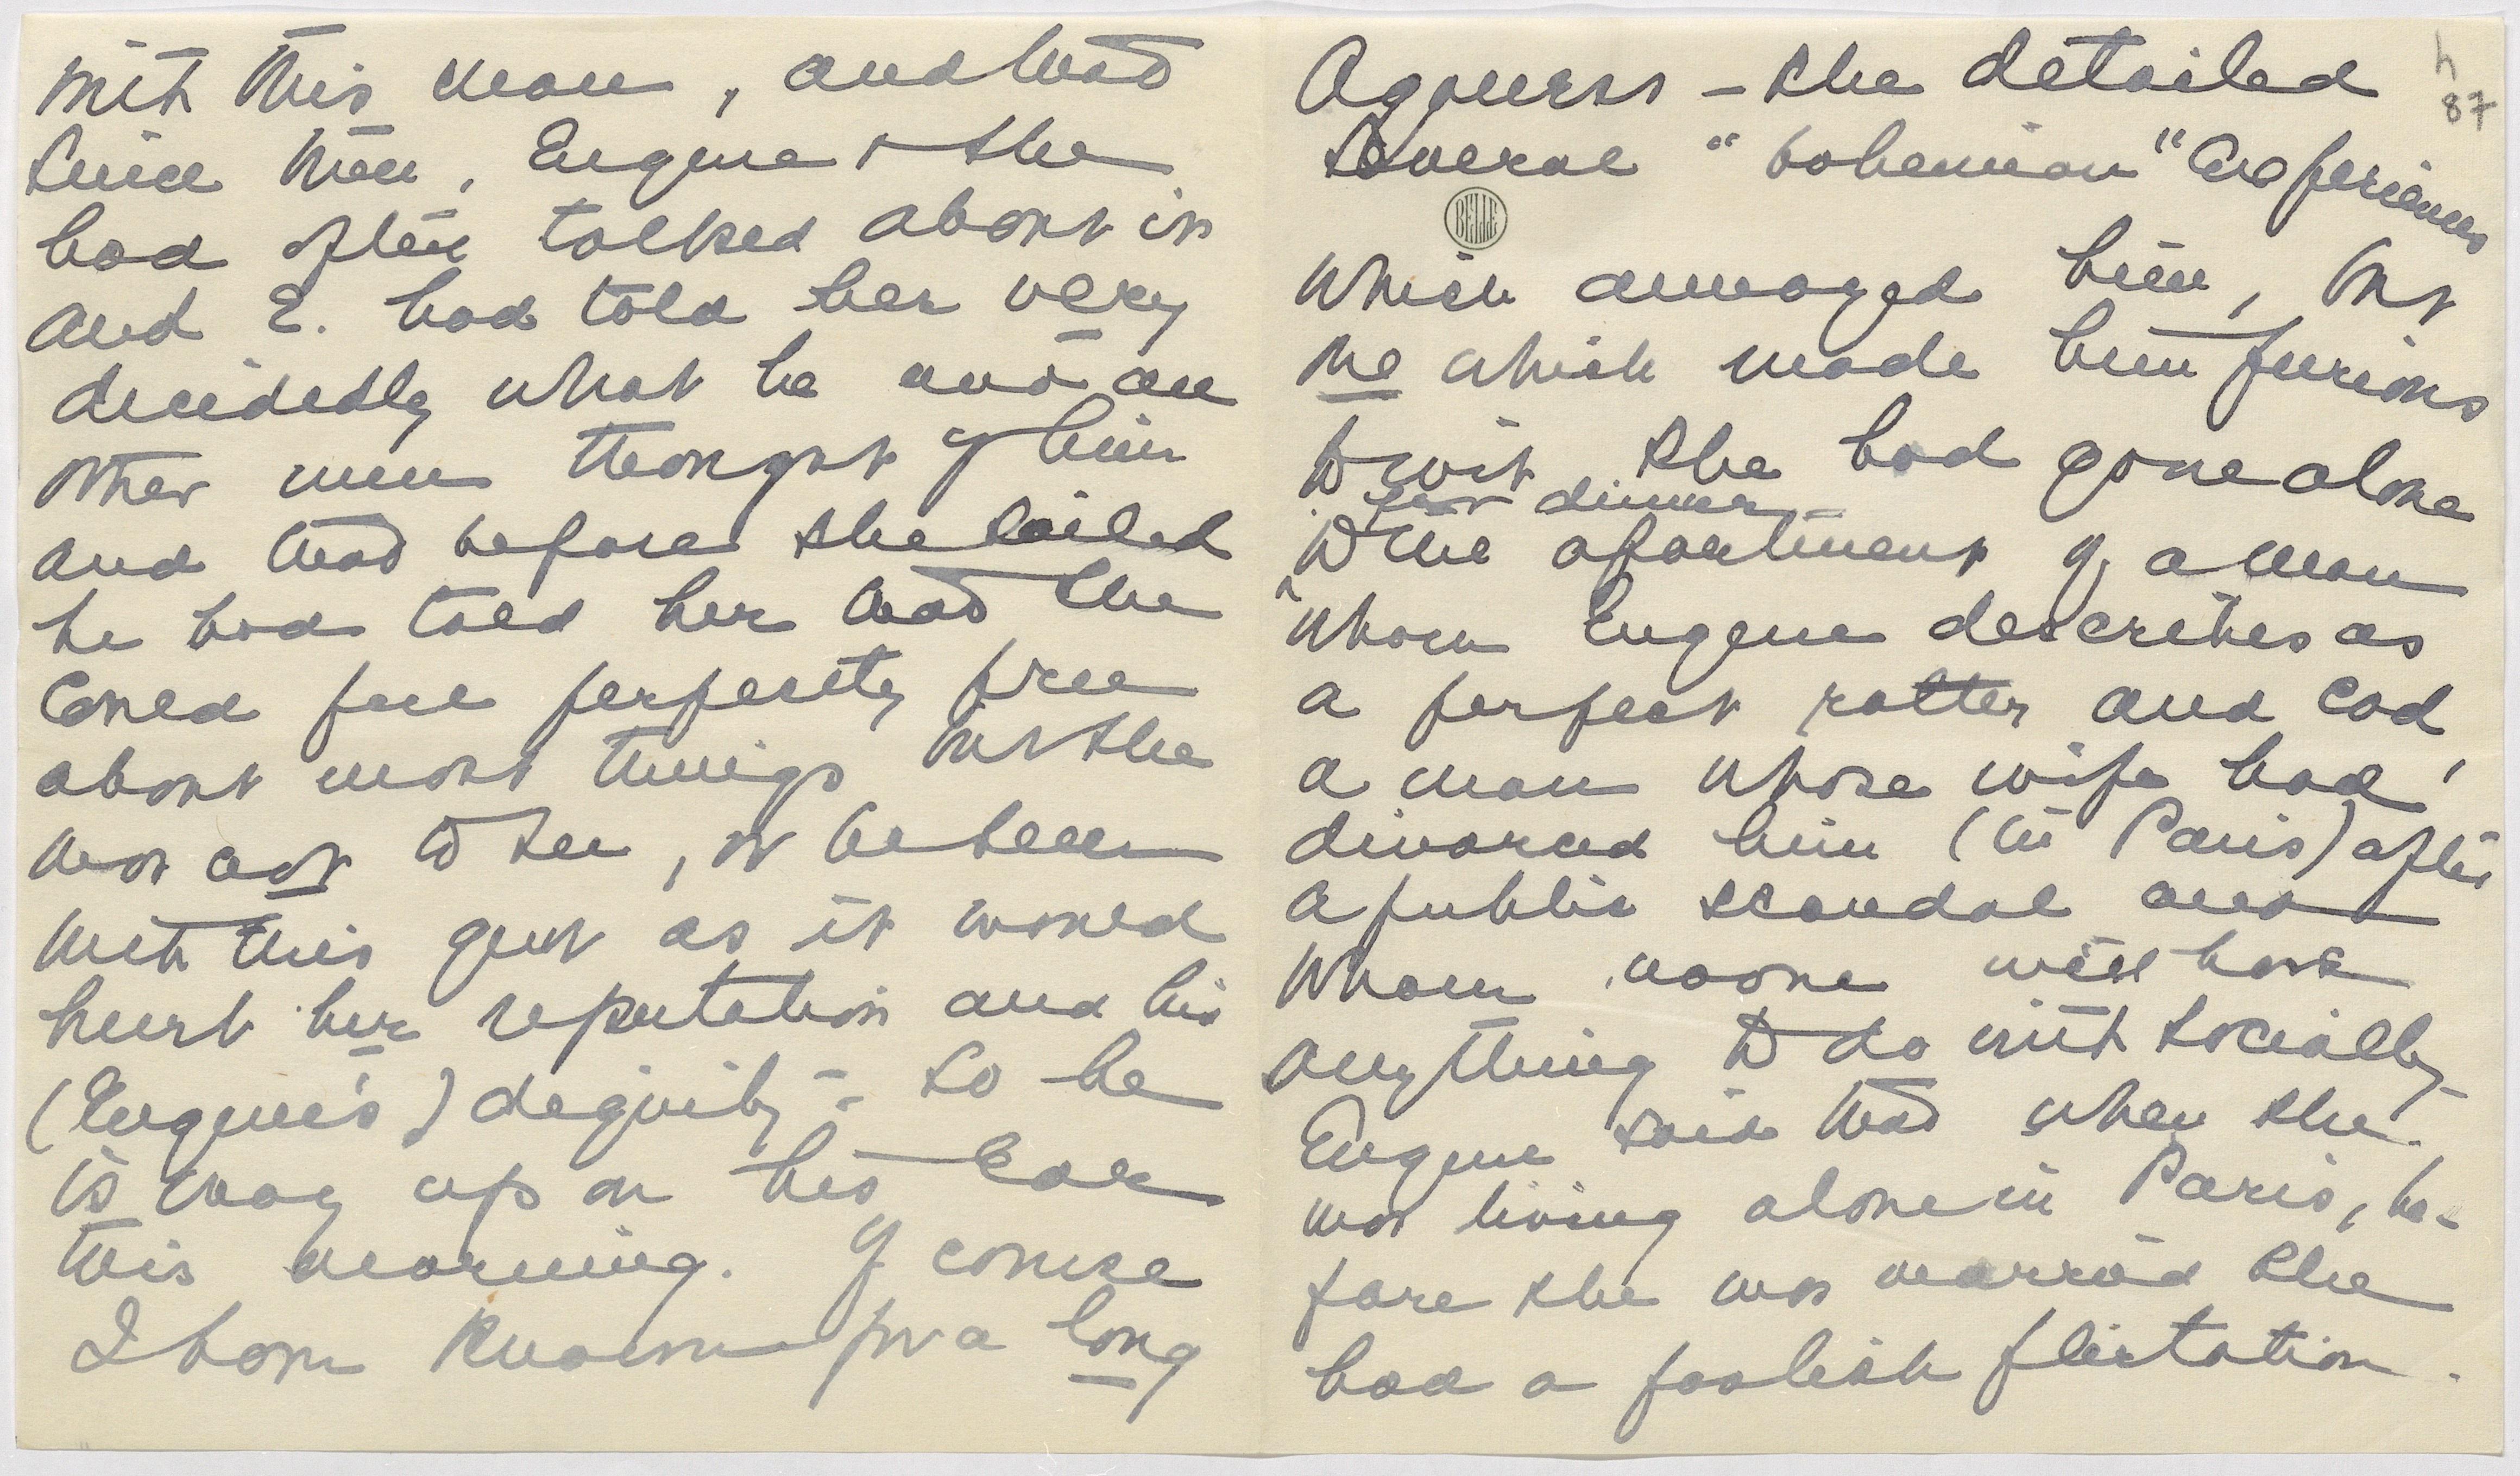Agoness – she detailed several “bohemian” experiences which amazed him, but one which made him furious to wit she had gone alone for dinner to the apartment of a man whom Eugene desecrates as a perfect rotter and cod, a man whose wife had divorced him (in Paris) after a public scandal and whom no one will have anything to do with socially Eugene said that when she was living alone in Paris, before she was married she had a foolish flirtation
with this man, and that since then, Eugene & she had often talked about it and E. had told her very decidedly what he and all other men thought of him and that before she sailed he had told her that she could feel perfectly free about most things but she was not to see, or be seen with this guest as it would hurt her reputation and his (Eugene’s) dignity – so he is way up on his ear this morning. of course I have known for a long